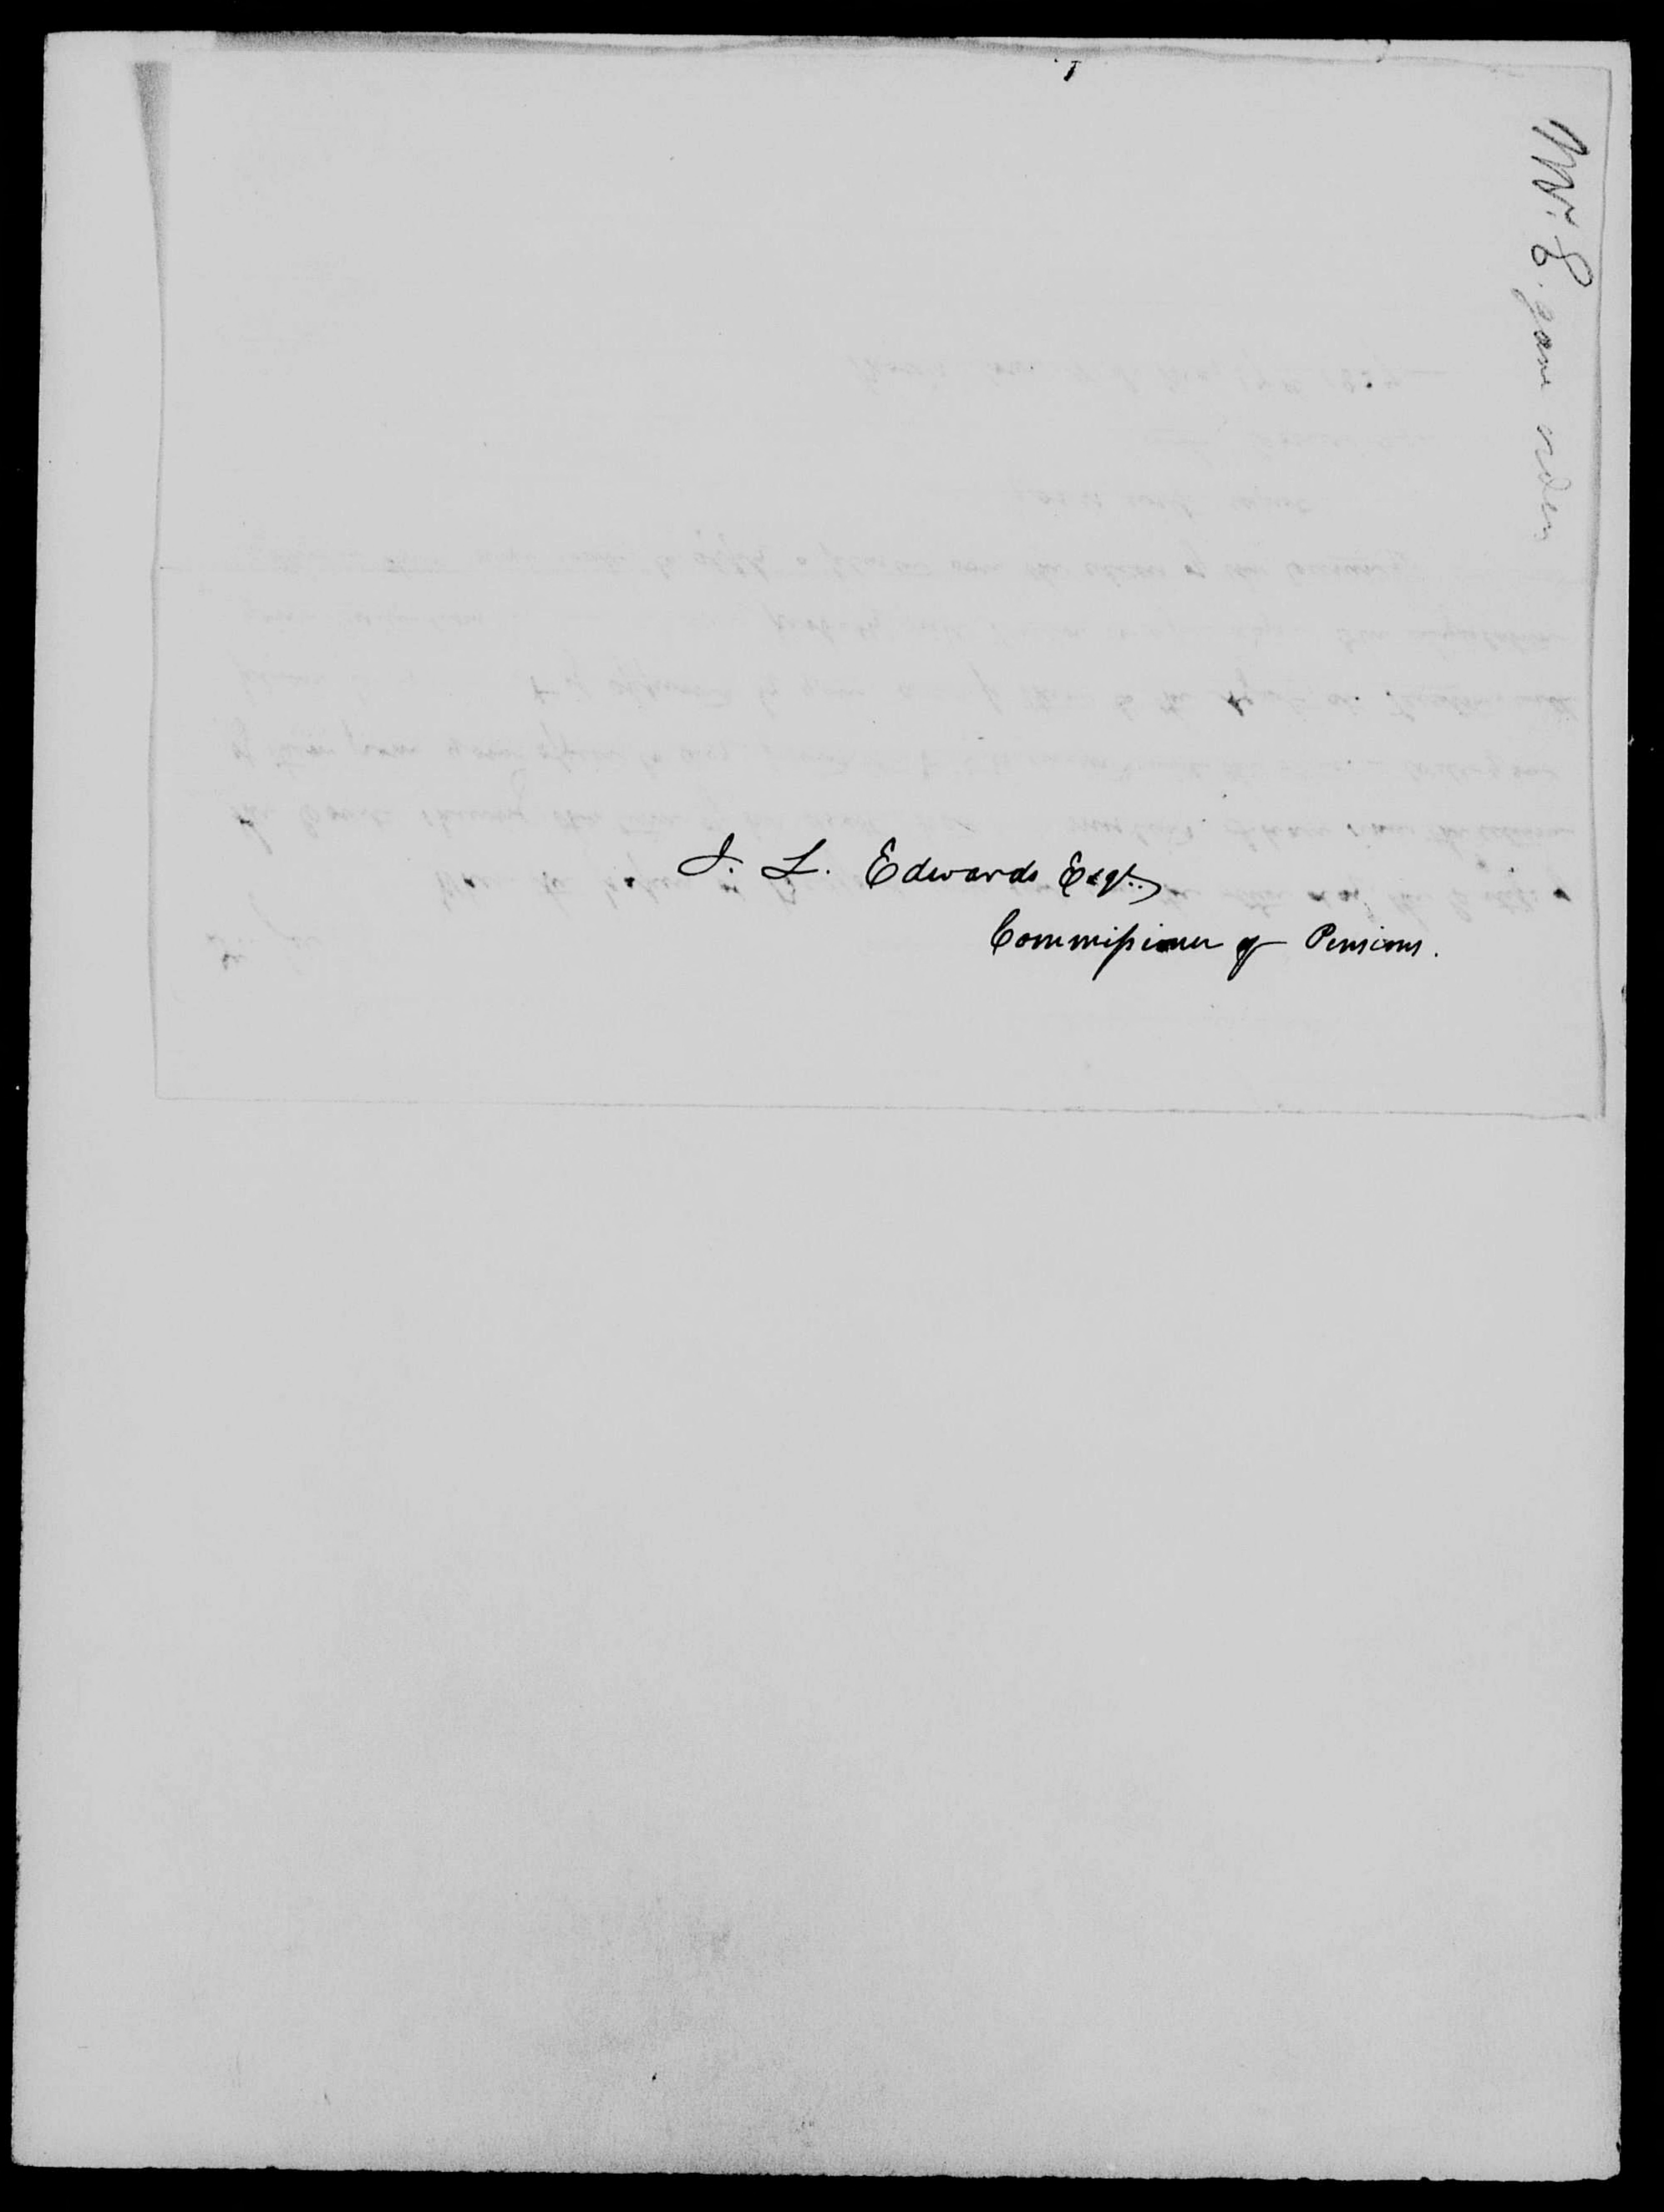J.L. Edwards Esqr
Commissioner of Pensions

Mr. Egan Aden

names: Eagan Aden, J L Edwards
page: 19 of 31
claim: survivor's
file: S. 2372, Stephen Bedford, New Jersey